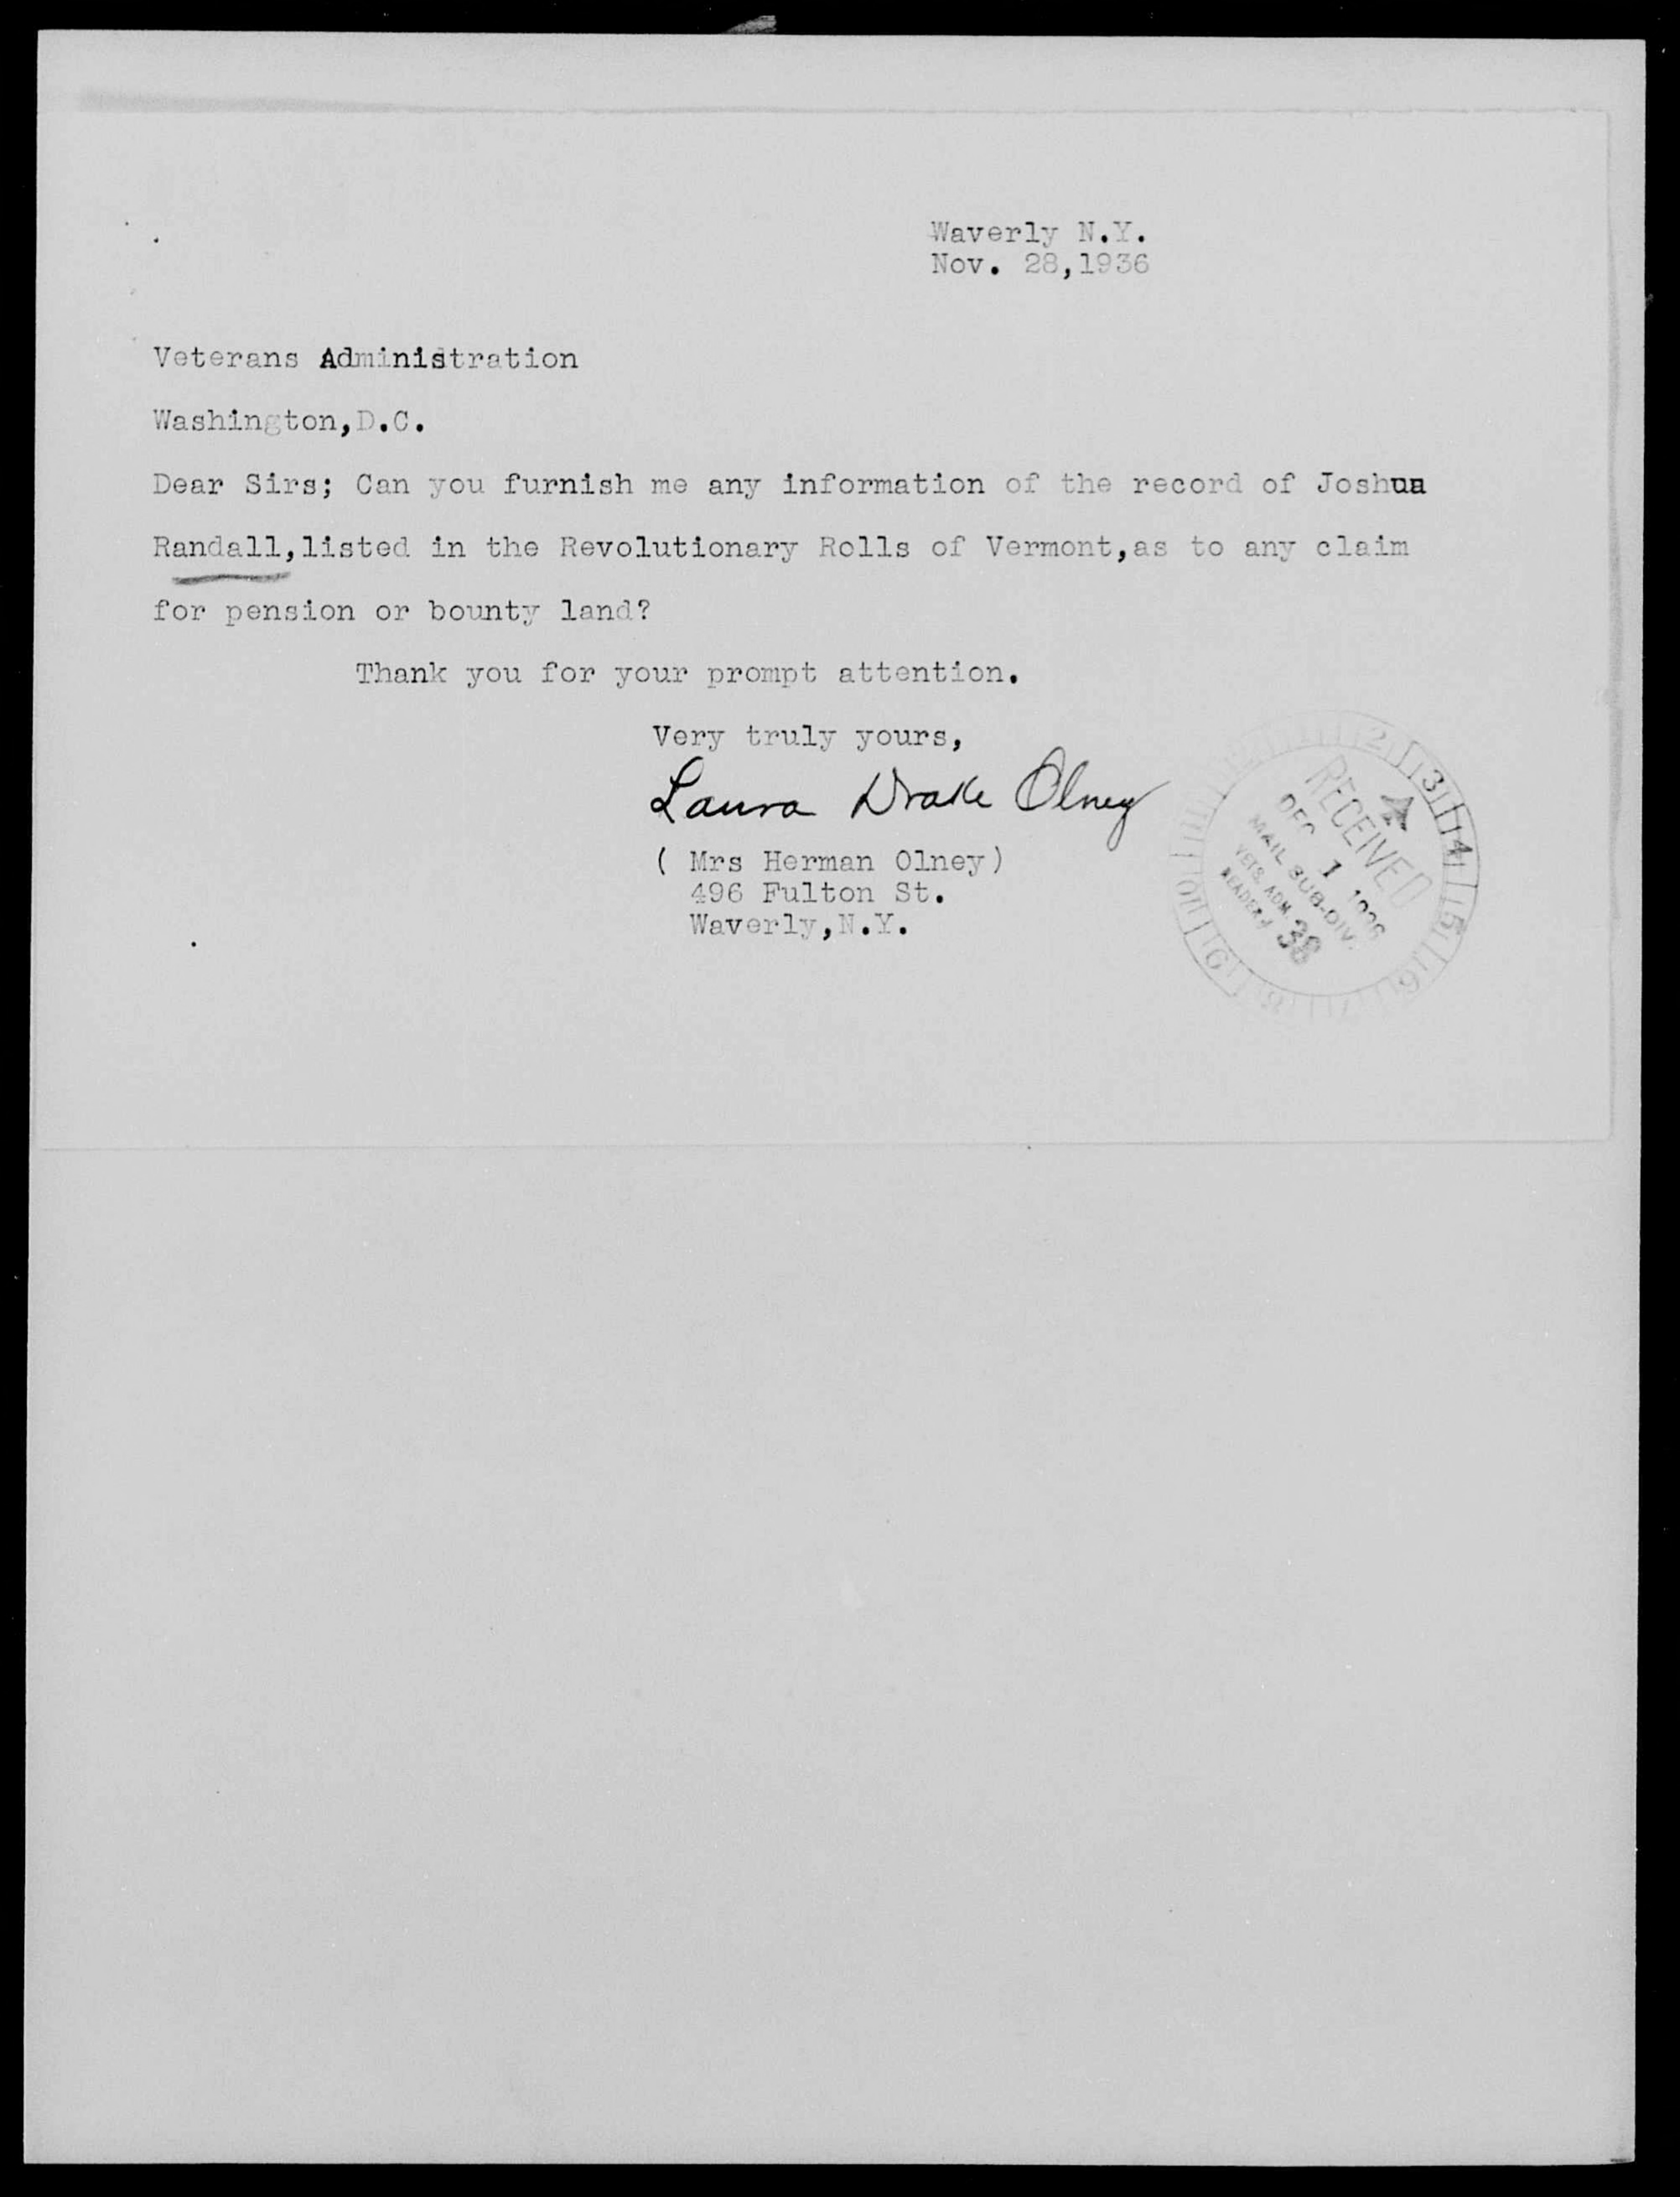Waverly N.Y.
Nov. 28, 1936
Veterans Administration
Washington, D. C.
Dear Sirs; Can you furnish me any information of the record of Joshua
Randall, listed in the Revolutionary Rolls of Vermont, as to any claim
for pension or bounty land?
Thank you for your prompt attention.
Very truly yours,
Laura Drake Olney
(Mrs Herman Olney )
496 Fulton St.
Waverly, N. Y.

[circle stamp]
RECEIVED DEC 1 1936
MAIL SUB DIV
VETS ADM
[READER?] 38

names: Joshua Randall; Herman Olney; Laura Drake Olney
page: 20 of 20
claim: survivor's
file: S. 41,090, for Joshua Randall, Massachusetts